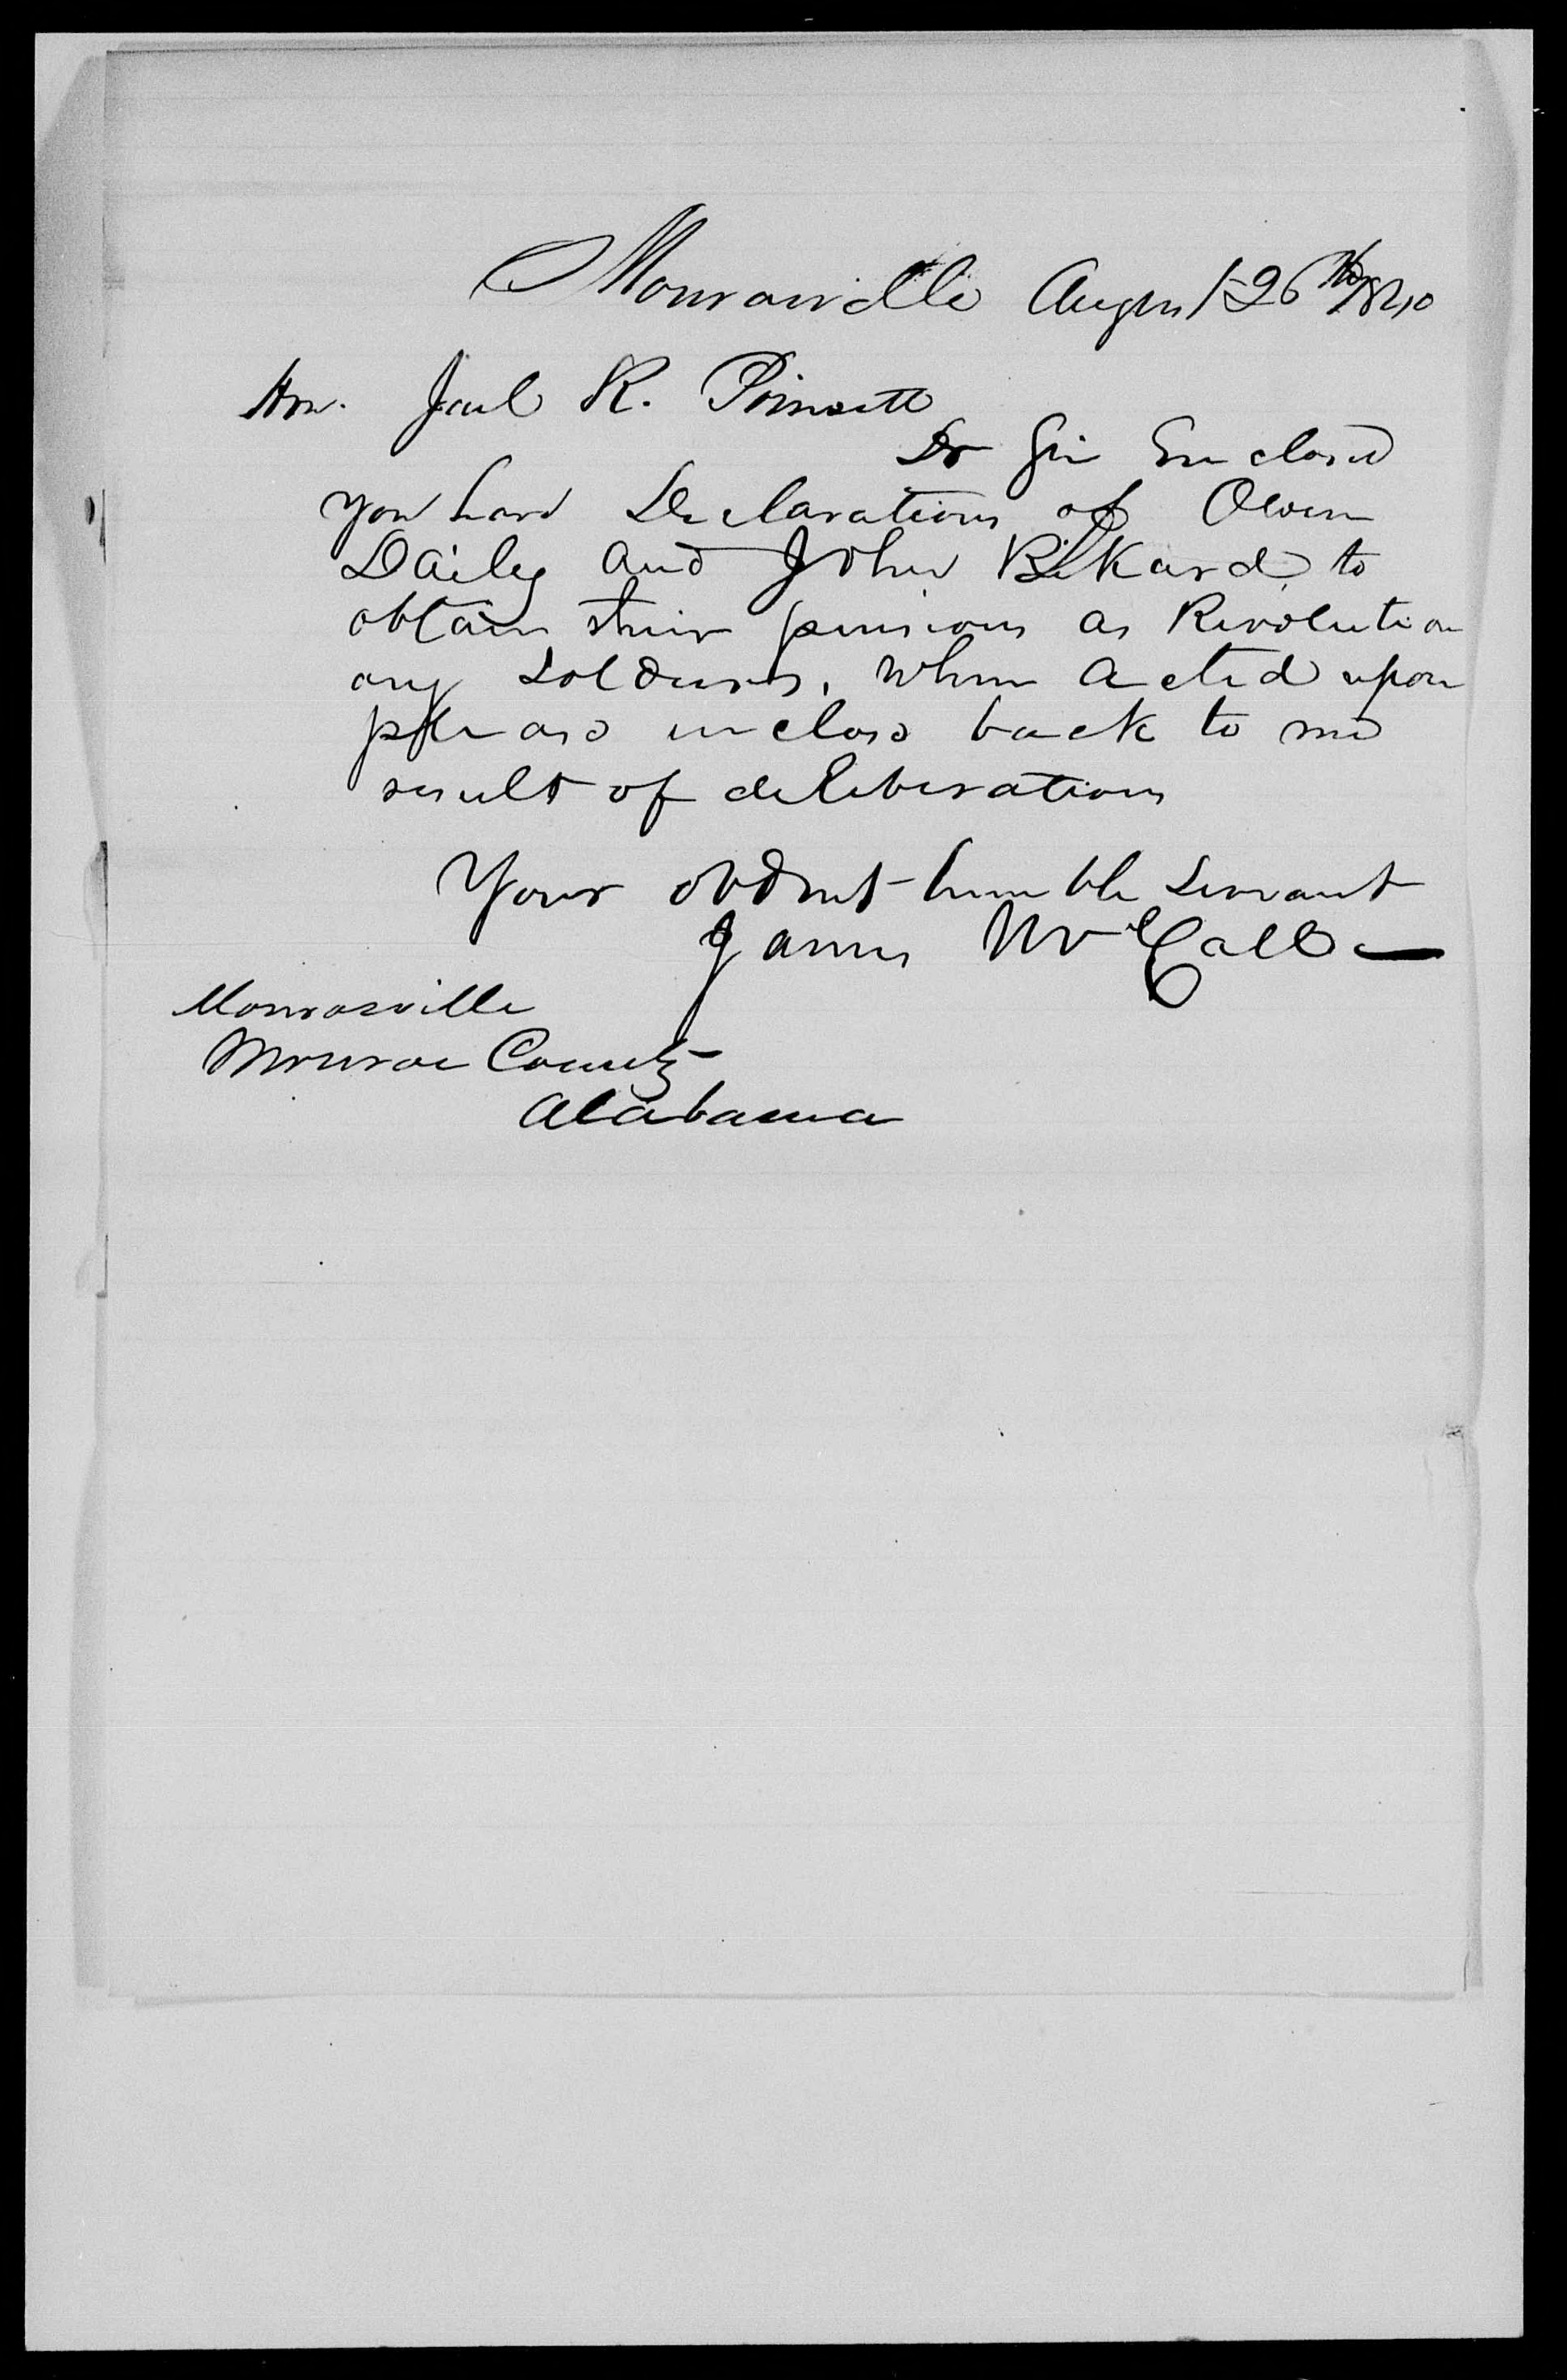Monroeville August 26th 1840

Hon. Joel R. Poinsett

Dr Sir      Enclosed
you have Declaration of Owen
Daily and John Rikard to
obtain their pensions as Revolution
ary soldier.  when acted upon
please enclose back to me
result of deliberation

Your obdent - humble servant

James McCall _

Monroeville
Monroe County
Alabama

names: Owen Daily, Joel R Poinsett, John Rikard, James Mc Call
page: 11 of 13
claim: rejected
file: R. 2,622, Owen Dailey, S.C.